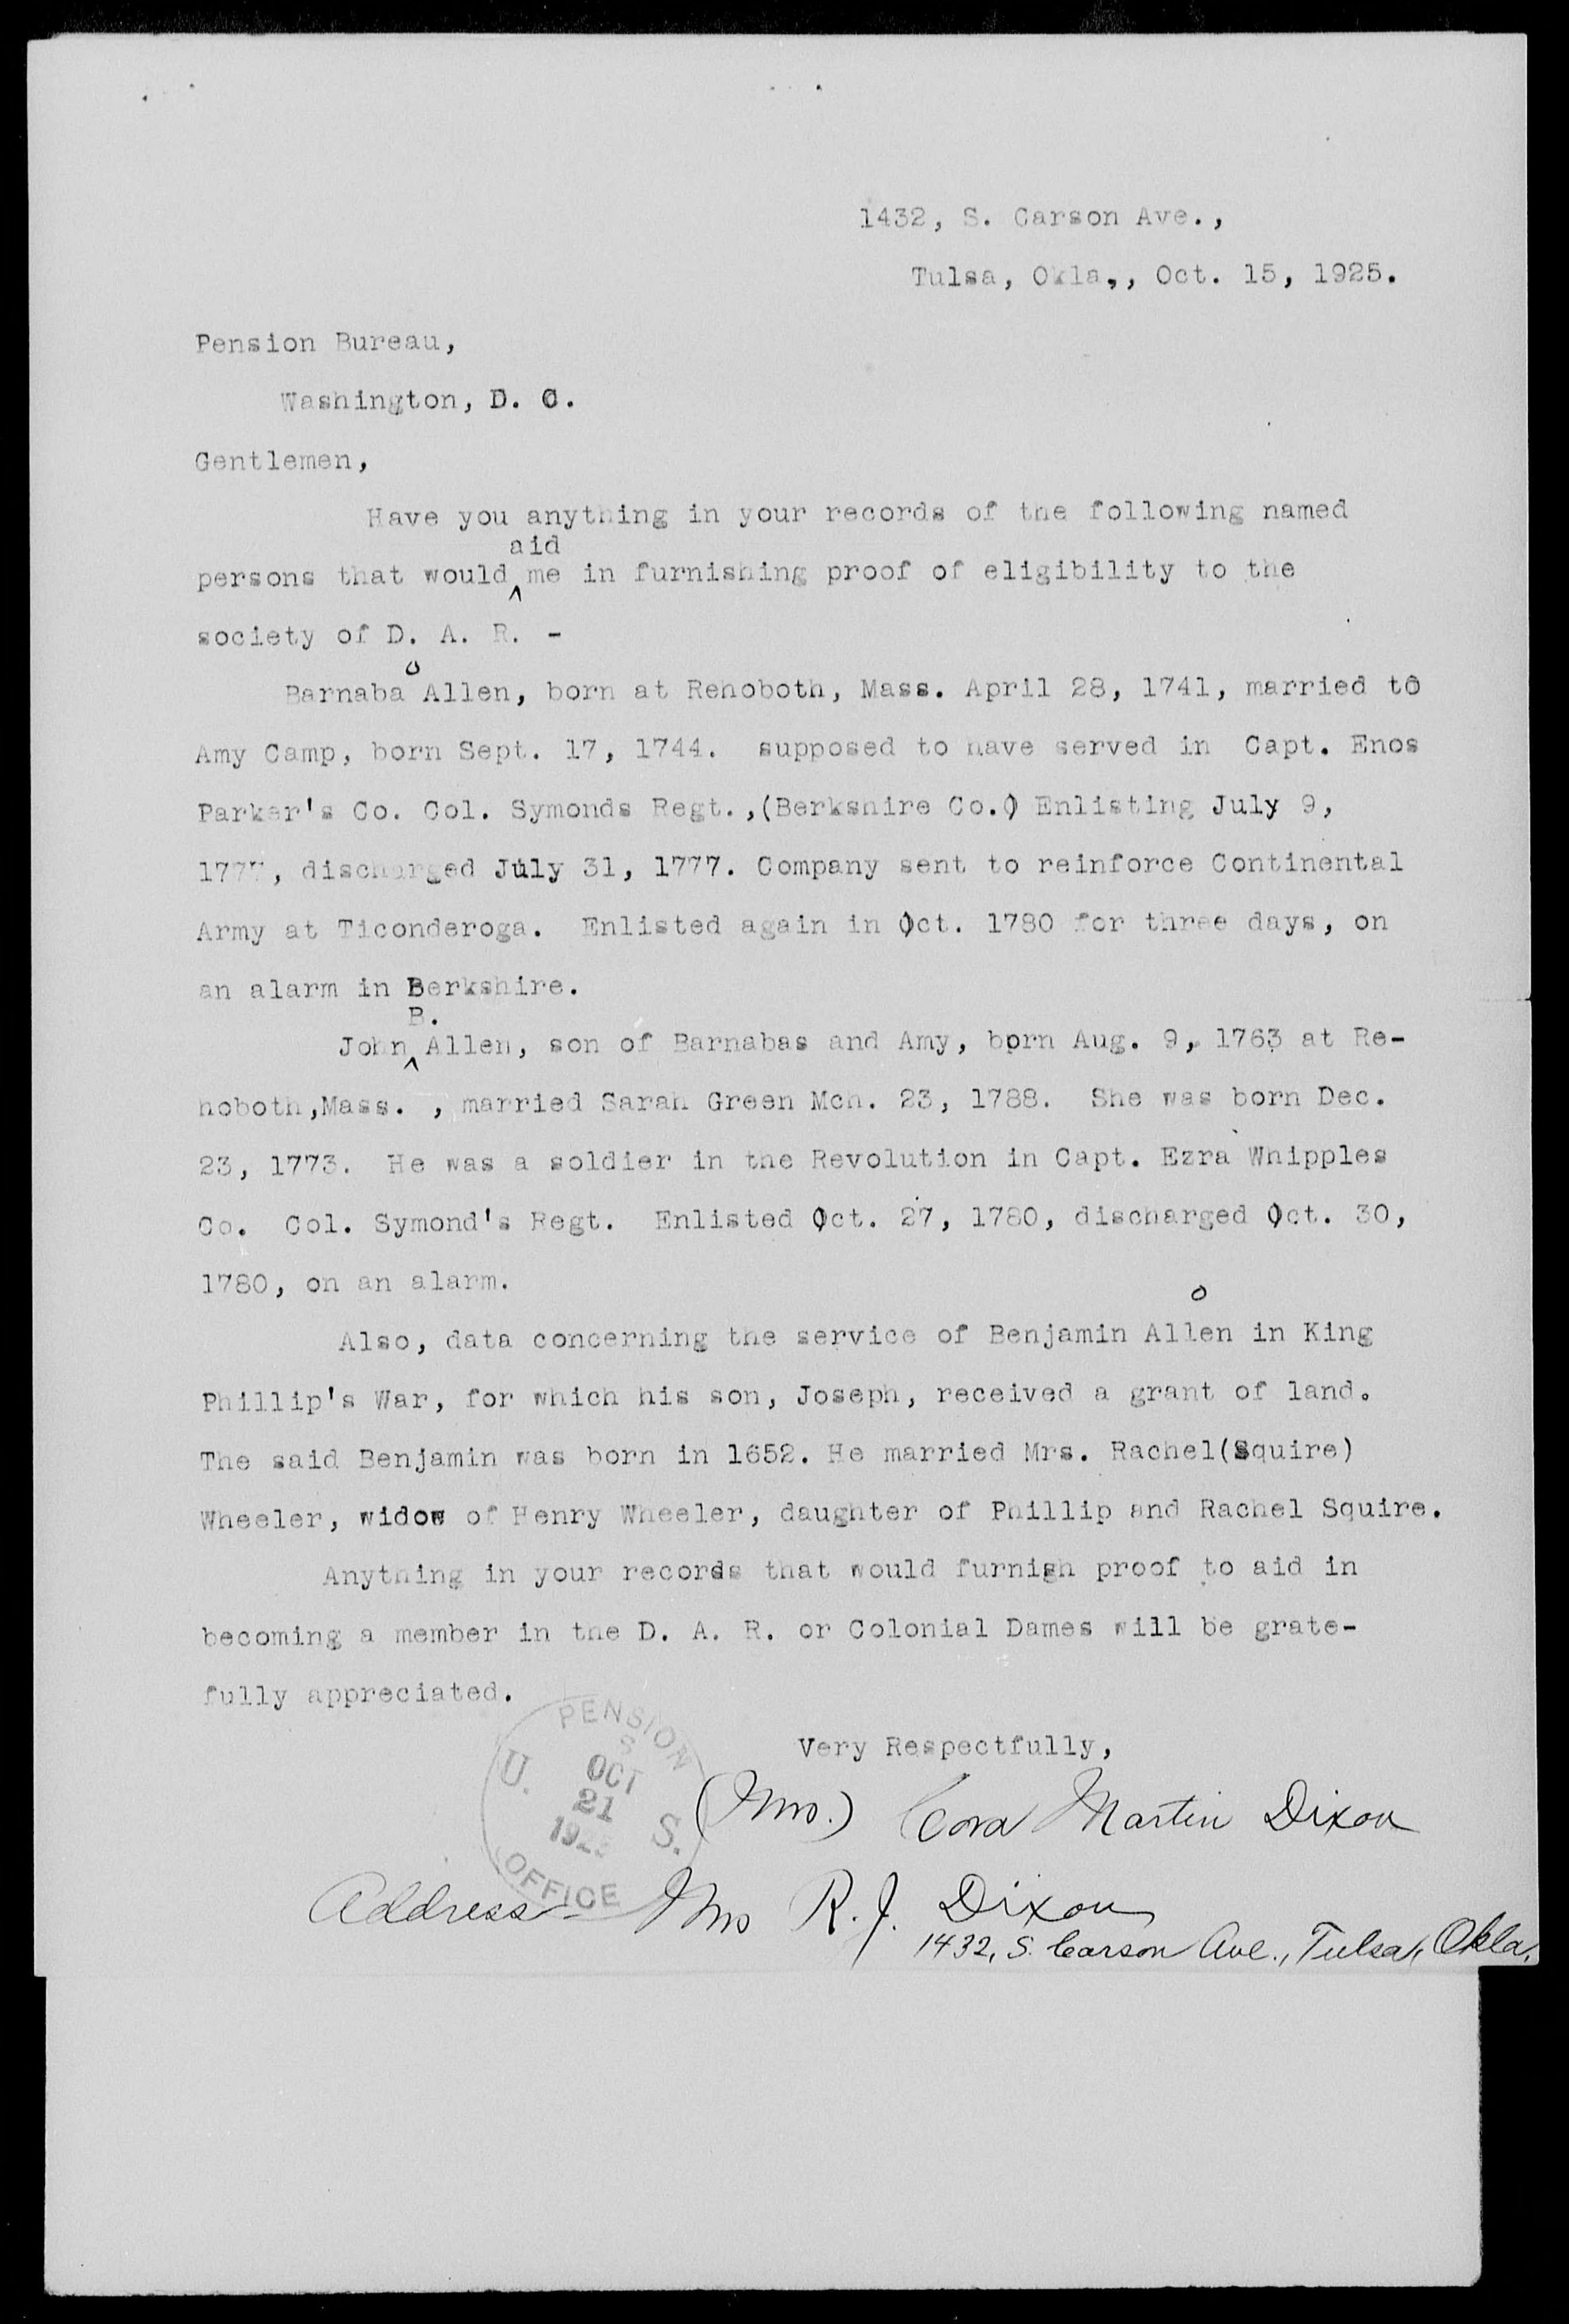1432, S. Carson Ave., Tulsa, Okla., Oct. 15, 1925.

Pension Bureau, Washington, D. C. 
Gentlemen, 
Have you anything in your records of the following named persons that would ^aid me in furnishing proof of eligibility to the society of D. A. R. -
Barnaba Allen, born at Rehoboth, Mass. April 28, 1741, married to Amy Camp, born Sept. 17, 1744, supposed to have served in Capt. Enos Parker's Co. Col. Symonds Regt., (Berkshire Co.) Enlisting July 9, 1777, discharged July 31, 1777. Company sent to reinforce Continental Army at Ticonderoga. Enlisted again in Oct. 1780 for three days, on an alarm in Berkshire.
John Allen, son of Barnabas and Amy, born Aug. 9, 1763 at Rehoboth, Mass., married Sarah Green Mch. 23, 1788. She was born Dec. 23, 1773. He was a soldier in the Revolution in Capt. Ezra Whipples Co. Col. Symond's Regt. Enlisted Oct. 27, 1780, discharged Oct. 30, 1780, on an alarm.
Also, data concerning the service of Benjamin Allen in King Phillip's War, for which his son, Joseph, received a grant of land. The said Benjamin was born in 1652. He married Mrs. Rachel Squire) Wheeler, widow of Henry Wheeler, daughter of Phillip and Rachel Squire. Anything in your records that would furnish proof to aid in becoming a member in the D. A. R. or Colonial Dames will be gratefully appreciated. 
[stamped] U.S. Pension Office  Oct 21 1925
 Very Respectfully,  
(Jno). Cora Martin Dixon Address  R. J. Dixon 1432, S. Carson Ave. Tulsa Okla.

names: James, Cora Martin Dixon, John B Allen, Joseph, Henry Wheeler, Benjamin Allen, R J Dixon, Benjamin, Rachel Squire, Amy, Barnabas, Barnaba Allen, Rachel (Squire) Wheeler, Sarah Green, Philip Squire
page: 69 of 74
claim: widow's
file: W. 23424, John Allen, Mass. R. I.